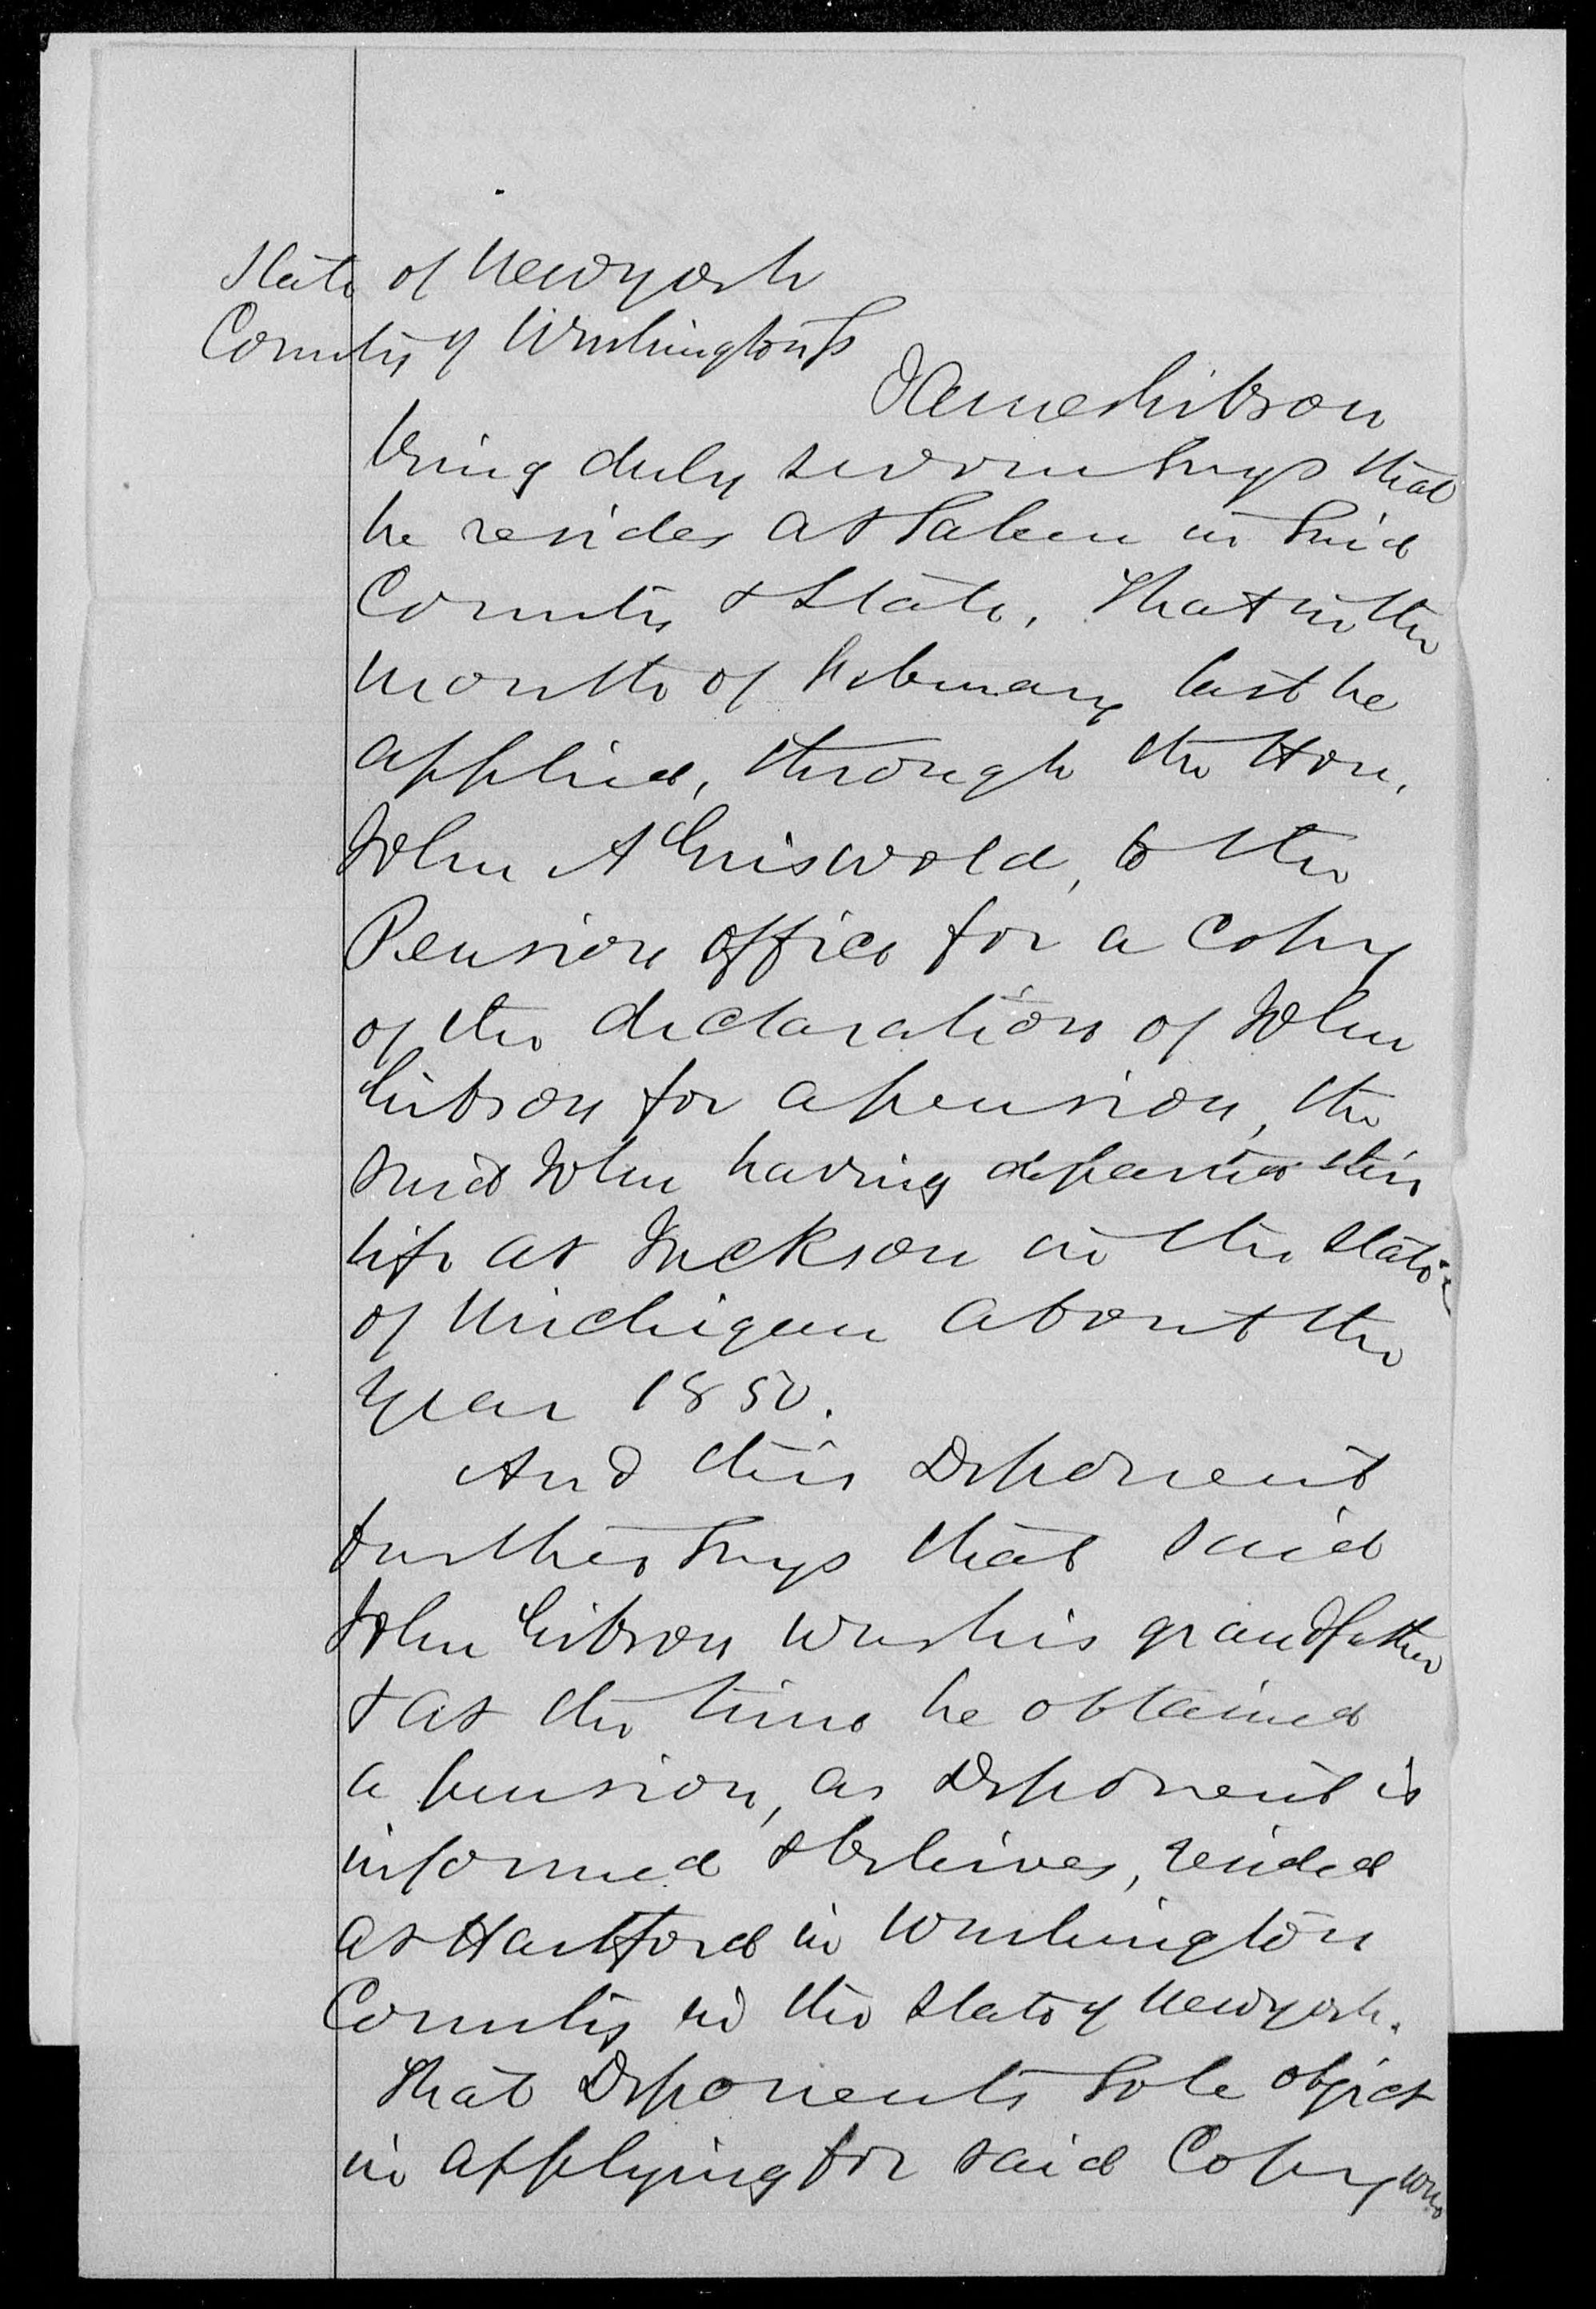State of New York
County of Washington Ss
I James Gibson
being duly sworn says that
he resides at Salem in said
County & State. That in the
month of February last he
applied, through the Hon.
John A. Griswold to the
Pension office for a copy
of the declaration of John
Gibson for a pension, the
and John having departed this
life at Jackson in the State of
Michigan about the year
1850.
And this Deponent
further says that said
John Gibson was his grandfather
at the time he obtained
a pension, as deponent is
informed & believes, resided
at Hartford in Washington
County in the State of New York.
That Deponents sole object
in applying for said copy was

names: James Gibson, John Gibson, John Gibson, John A Griswold, John Harring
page: 10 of 32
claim: survivor's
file: S. 34899, John Gibson, R.I.